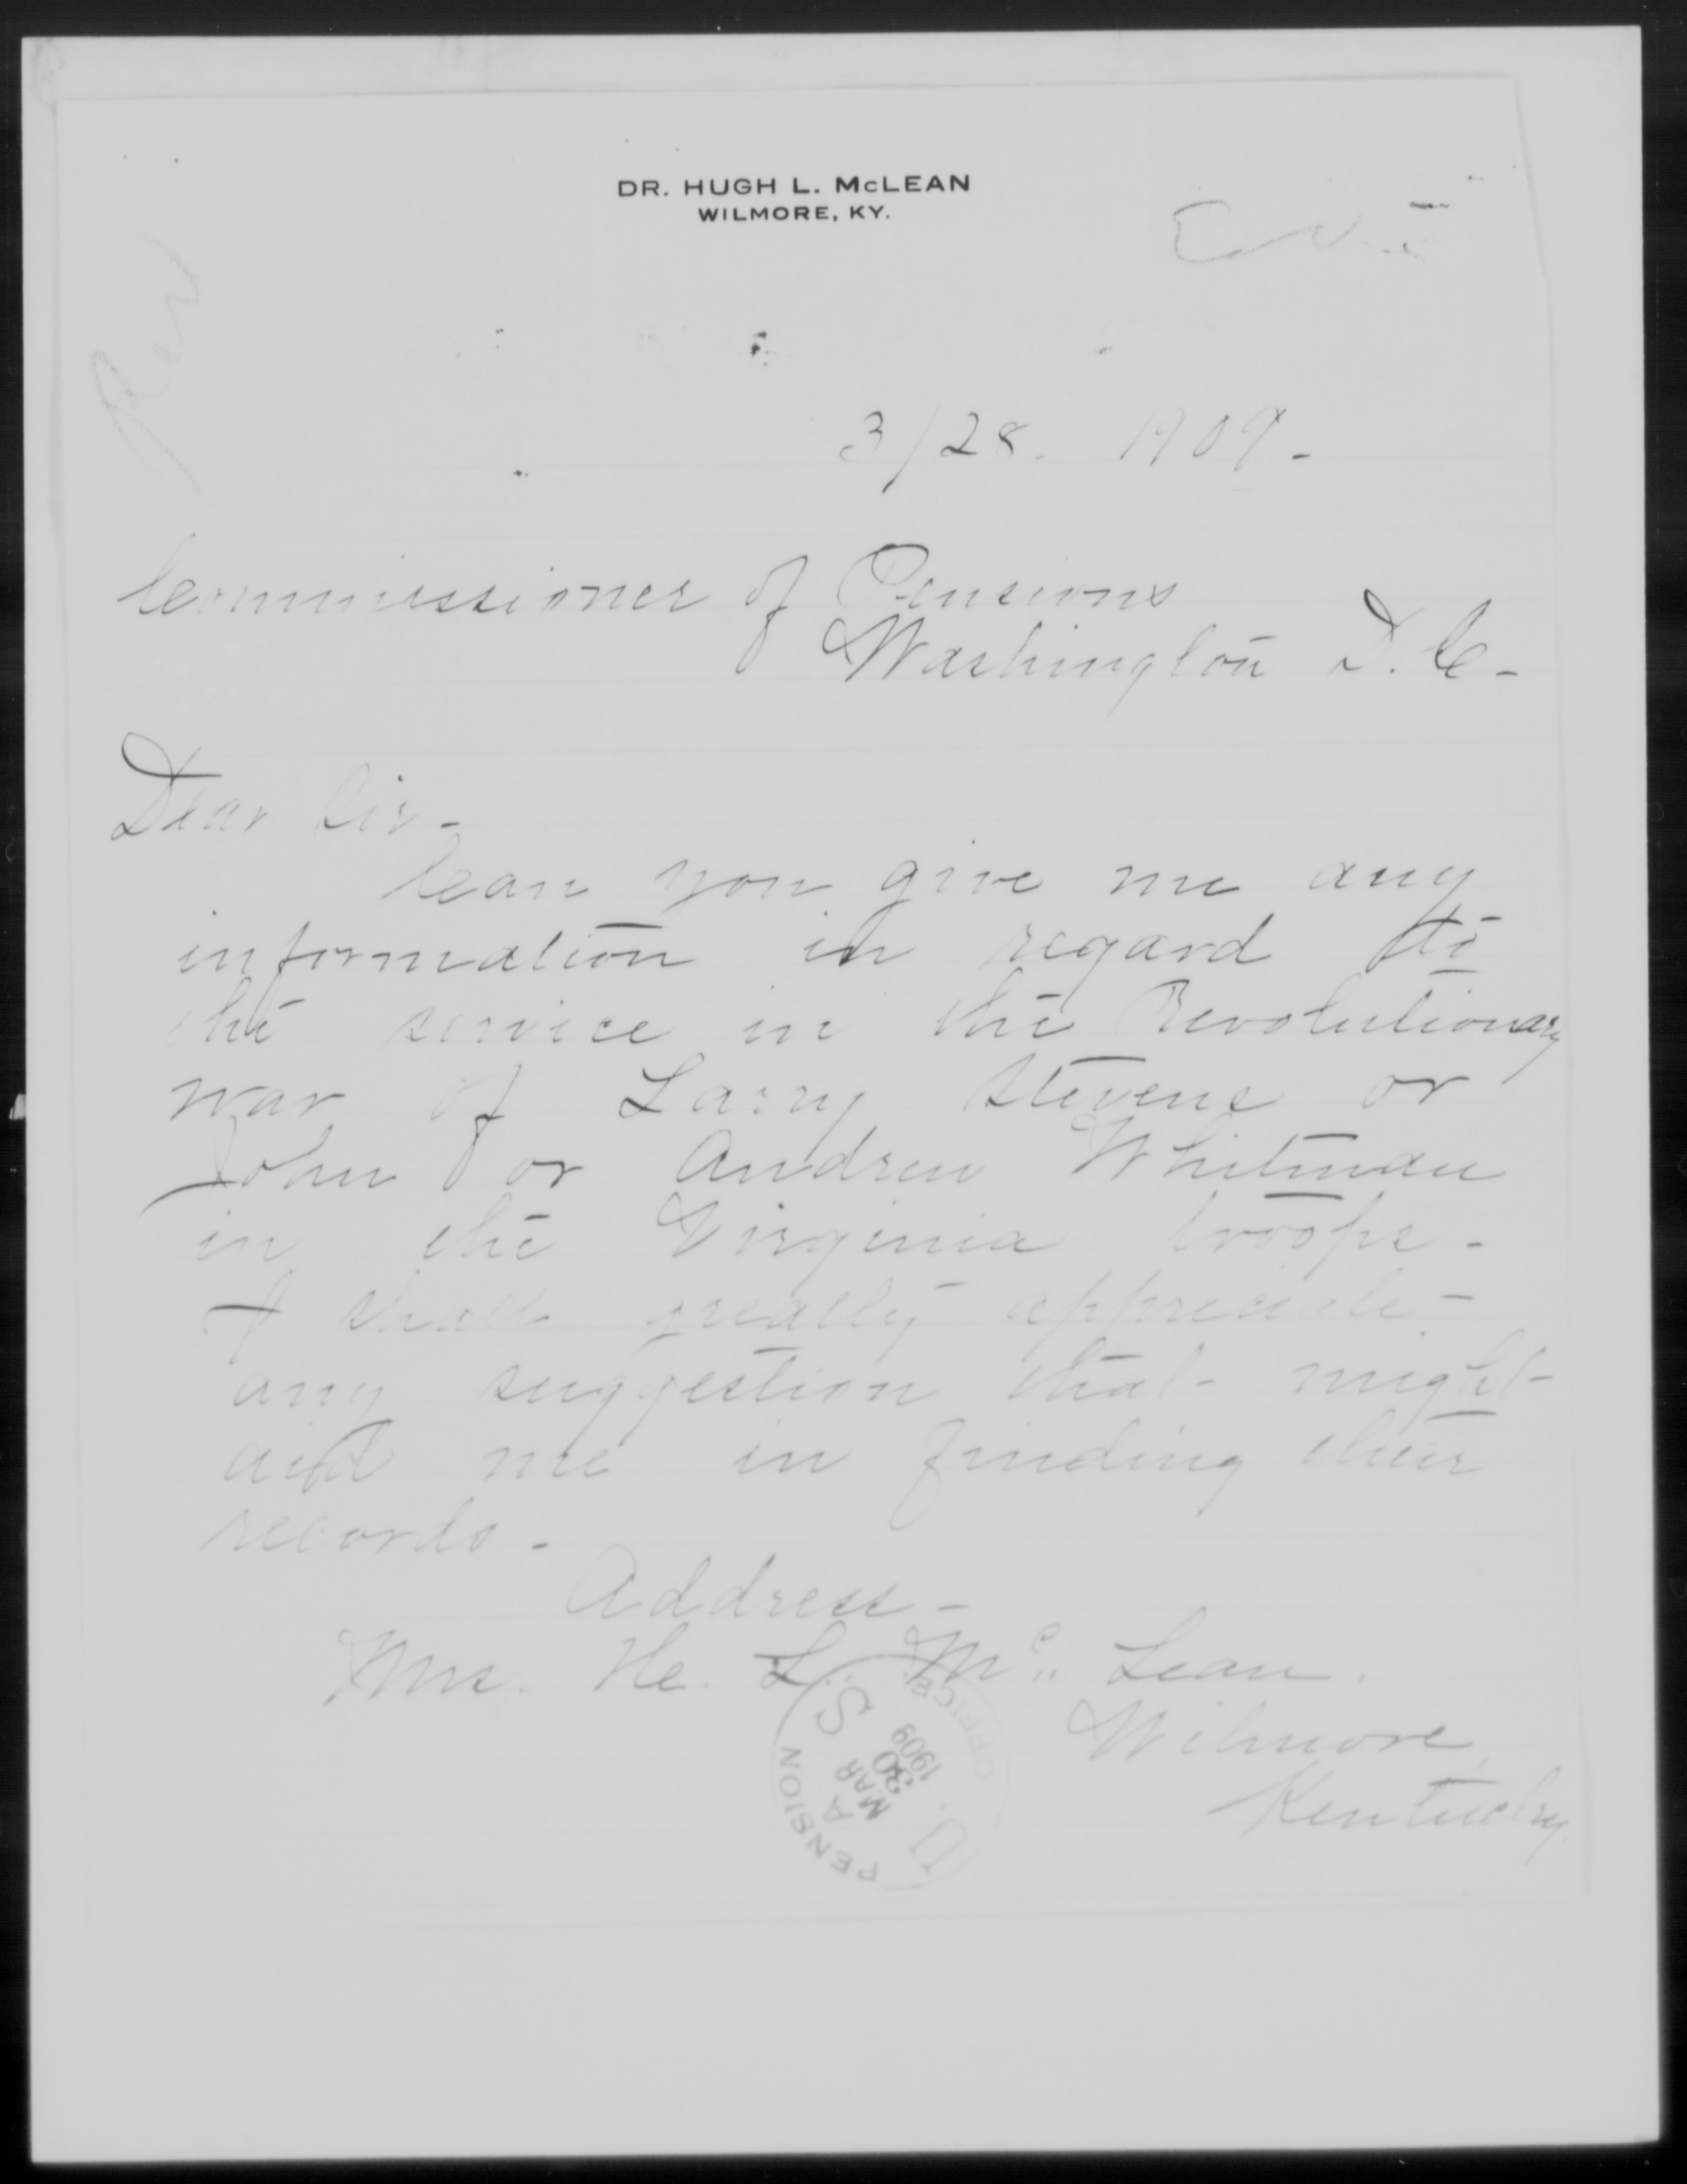DR. HUGH L. McLEAN
WILMORE, KY.

3/28, 1909-

Commissioner of Pensions
Washington D.C.

Dear Sir _
Can you give me any
information in regard to
the service in the Revolutionary
War of Larry Stevens or
John or Andrew Whitman
the Virginia troops
I shall greatly appreciate
any suggestion that might
aid me in finding their
records.
Address -
Mrs. H. L. McLean
Wilmore

Kentucky

U. S. PENSION OFFICE
A
MAR 30 1909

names: Andrew Whitman, Larry Stevens, Hugh L Mc Lean, John Whitman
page: 16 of 22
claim: survivor's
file: S 2023, John Whitman, Va.